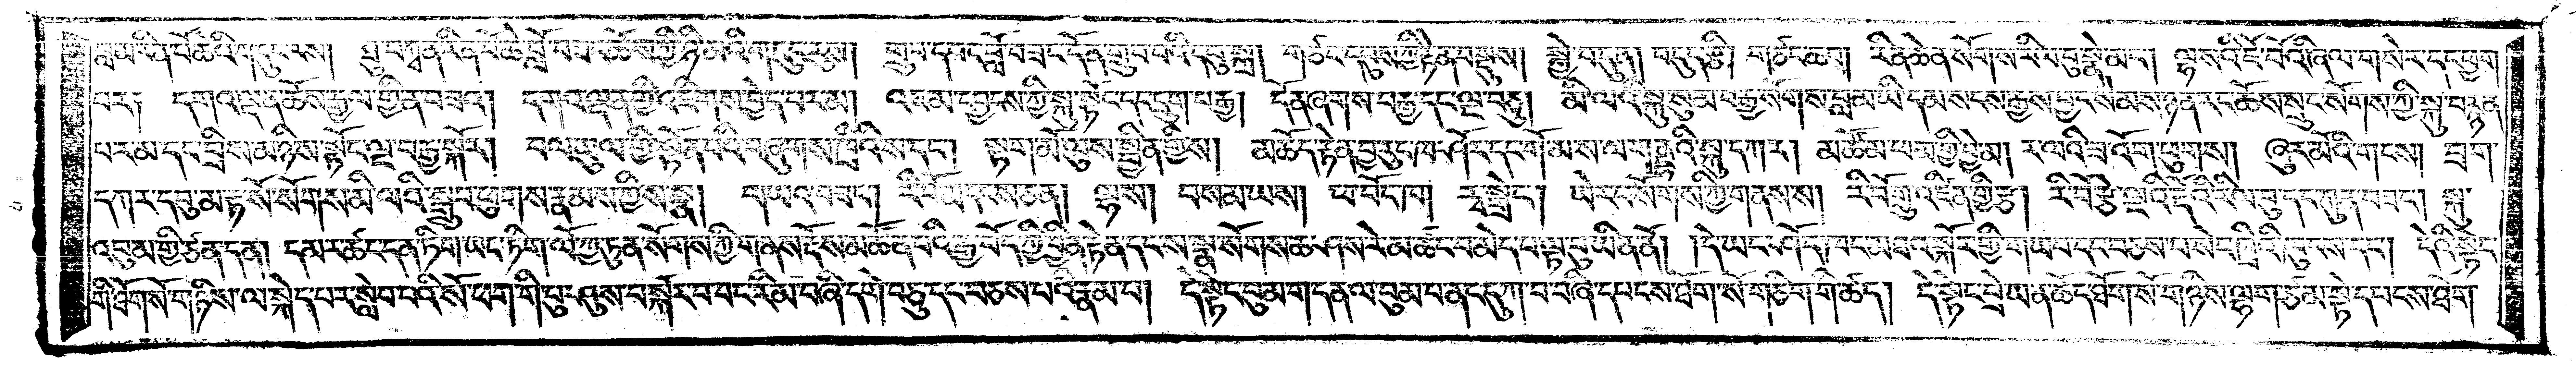བླ་མ་རིན་པོ་ཆེའི་གདུང་རས། ཐུབ་ཀྭན་རིན་པོ་ཆེ་བློ་བཟང་ཆོས་ཀྱི་ཉི་མའི་གདུང་རུས། གྲུབ་དབང་བློ་བཟང་དོན་གྲུབ་པའི་དབུ་སྐྲ། གཙང་དབུས་གྱི་རྟེན་བསྡུས། སྐྱེ་བདུན། བདུད་རྩི། གཙང་ཆབ། རིན་ཆེན་སོགས་རིལ་བུ་སྣེ་མང་། ལྷ་སའི་ཇོ་བོའི་ཞལ་གསེར་དང་ཕྱག་
བར༑ དགའ་ལྡན་ཆོས་རྒྱལ་གྱི་ན་བཟའ། དགའ་ལྡན་གྱི་འཇིགས་བྱེད་པར་མ། འཇམ་དབྱངས་ཀྱི་སྐུ་སྟོང་དང་དྲུག་བརྒྱ། དོན་ཞགས་བརྒྱ་དང་ལྔ་བཅུ། མེ་ལའི་སྐུ་སུམ་བརྒྱ་སོགས་བླ་མ་ཡི་དམ་སངས་རྒྱས་བྱང་སེམས་ཉན་རང་ཆོས་སྲུང་སོགས་ཀྱི་སྐུ་བརྙན་
པར་མ་དང་བྲིས་མ་ཉིས་སྟོང་ལྔ་བརྒྱ་སྐོར། བལ་ཡུལ་གྱི་སྟོན་པའི་བཞུགས་ཁྲིའི་ས་དང་། སྟག་མོ་ལུས་སྦྱིན་གྱིས། མཆོད་རྟེན་བྱ་རུང་ཁ་ཤོར་དང་གོ་མ་ས་ལ་གནྡྷའི་སྐུ་དཀར། མཚེམ་ཕམ་གྱི་བྱེ་མ། ར་ལའི་ཟ་འོག་ཕུགས། ཞུར་མོའི་གངས། བྲག་
དཀར་དབུ་མ་རྟ་སོ་སོགས་མི་ལའི་སྒྲུབ་ཕུགས་རྣམས་ཀྱིས་སྣ། གཡའ་བཟང་། རི་བོ་མདངས་ཅན། ལྷས། བསམ་ཡས། ཕ་བོང་ཁ། རྭ་སྒྲེང་། ཡེར་པ་སོགས་ཀྱི་གནས་ས། རི་བོ་གྲུ་འཛིན་གྱི་རྩ། རི་བོ་རྩེ་ལྔའི་རྡོའི་རིལ་བུ་དང་ཀུན་བཟང་། སྐུ་
འབུམ་གྱི་ཙན་དན། དམར་ཚང་དན་ཏིག་ཡང་ཏིག་ལོ་ཀྱ་ཏུན་སོགས་ཀྱི་གནས་རྡོས་མཚོན་པའི་རྒྱ་བོད་ཀྱི་བྱིན་རྟེན་དང་ས་སྣ་སོགས་ཆ་ཤས་རེ་མ་ཚང་བ་མེད་པ་ལྟ་བུ་ཡིན་ནོ། །དེ་ཡང་ཤོད་ཁང་མཐའ་སྐོར་གྱི་གཡབ་དང་བཅས་པ་སེང་ཁྲིའི་ཁུངས་དང་། དེའི་སྟེང་
གི་ཐོག་སོ་གཉིས་ལ་སྐེད་བར་སླེབ་པའི་སོ་ཕག་གི་པུ་ཤུས་བསྐོར་བ་བང་རིམ་བཞི་དགེ་བཅུ་དང་བཅས་པའི་རྣམ་པ། དེ་སྟེང་བུམ་གདན་ལ་བུམ་པ་ནང་དུ་ཀ་བ་བཞི་དཔངས་ཐོག་སོ་གཅིག་གི་ཚད། དེ་སྟེང་བྲེ་ཡན་ཆོད་ཐོག་སོ་གཉིས་ལྷག་ཙམ་སྟེ་དཔངས་ཐོག་